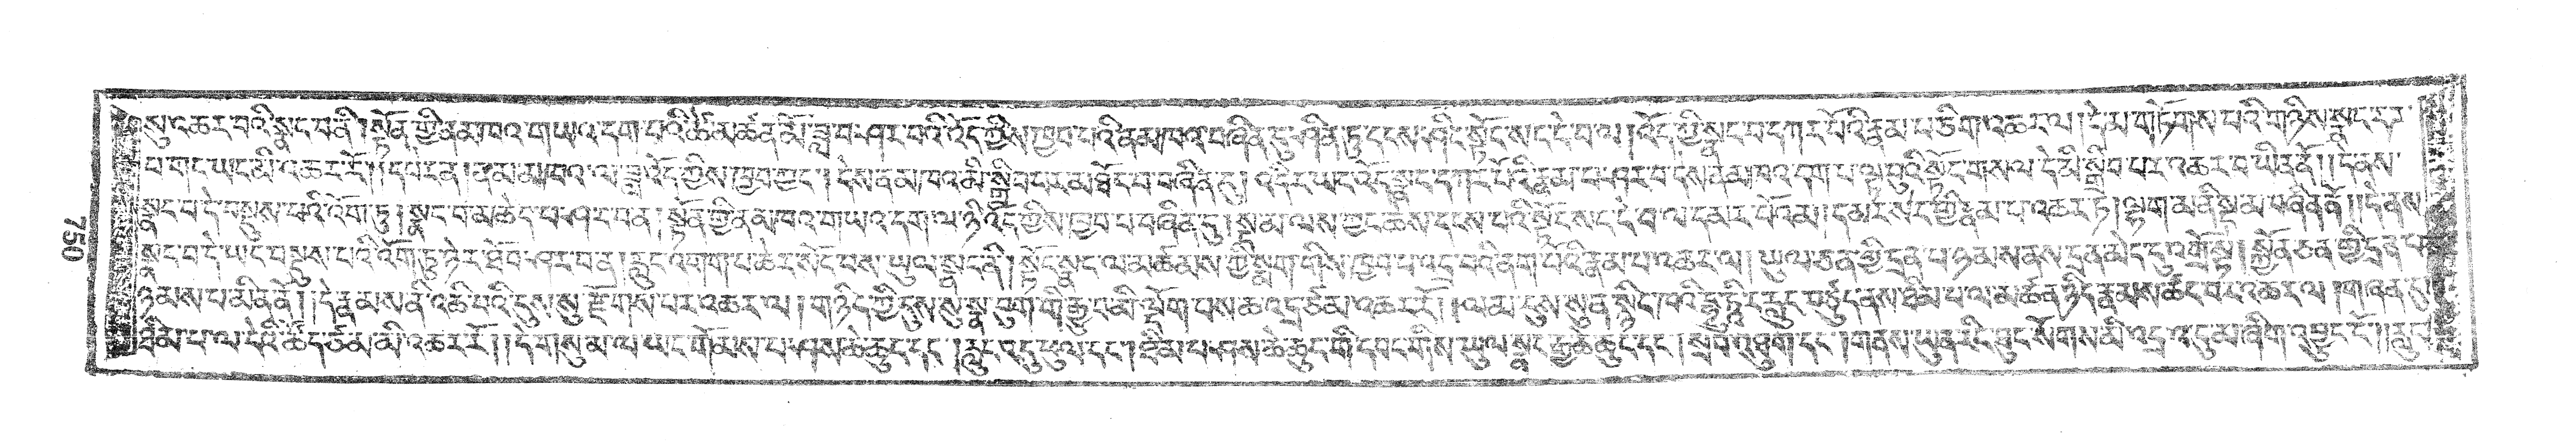སུ་འཆར་བའི་སྣང་བ་ནི། སྟོན་གྱི་ནམ་མཁའ་གཡའ་དག་པའི་ཚེ་མཚན་མོ་ཟླ་བ་ཤར་བའི་འོད་ཀྱིས་ཁྱབ་པའི་ནམ་མཁའ་བཞིན་དུ་ཤིན་ཏུ་དངས་ཤིང་སྟོང་སང་དེ་བ་ལ། འོད་ཀྱི་སྣང་བ་དཀར་པོའི་རྣམ་པ་ཅིག་འཆར་ལ། དེ་མ་གཏོགས་པའི་གཉིས་སྣང་རགས་
པ་གང་ཡང་མི་འཆར་རོ། །དཔེར་ན། ནམ་མཁའ་ལ་ཟླ་འོད་ཀྱིས་ཁྱབ་ཀྱང་། དེས་ནམ་མཁའ་མི་སྒྲིབ་པར་མཐོང་བ་བཞིན་དུ། འདིར་ཡང་འོད་སྣང་དཀར་པོའི་རྣམ་པ་ཤར་བ་དེས་ནམ་མཁའ་དག་པ་ལྟ་བུའི་སྟོང་གསལ་དེ་མི་སྒྲིབ་པར་འཆར་བ་ཡིན་ནོ། །དེ་ནས་
སྣང་བ་དེ་བསྡུས་པའི་འོག་ཏུ། སྣང་བ་མཆེད་པ་ཤར་བ་ན། སྟོན་གྱི་ནམ་མཁའ་གཡའ་དག་ལ་ཉི་འོད་ཀྱིས་ཁྱབ་པ་བཞིན་དུ། སྔ་མ་ལས་ཀྱང་ཆེས་དངས་པའི་སྟོང་སང་དེ་བ་ལ་དམར་པོའམ། དམར་སེར་གྱི་རྣམ་པ་འཆར་ཏེ། ལྷག་མ་ནི་སྔ་མ་བཞིན་ནོ། །དེ་ནས་
སྣང་བ་དེ་ཡང་བསྡུས་པའི་འོག་ཏུ་ཉེར་ཐོབ་ཤར་བ་ན། རླུང་འགག་པ་ཆེར་སོང་བས་ཡུལ་སྣང་ནི། སྟོང་སྣང་ལ་མཚམས་ཀྱི་སྨག་གིས་ཁྱབ་པ་འདྲ་བའི་ནག་པོའི་རྣམ་པ་འཆར་ལ། ཡུལ་ཅན་གྱི་དྲན་པ་ཉམས་ནས་དྲན་མེད་དུ་འགྲོ་སྟེ། སྐྱོན་ཅན་གྱི་དྲན་པ་
ཉམས་པ་མིན་ནོ། །དེ་རྣམས་ནི་འཆི་བའི་དུས་སུ་རྫོགས་པར་འཆར་ལ། གཉིད་ཀྱི་དུས་སུ་སྣ་བུག་གི་རྒྱུ་བ་མི་ལྡོག་པས་ཆ་འདྲ་ཙམ་འཆར་རོ། །ལམ་དུས་སུ་ནི་སྙིང་ཁའི་དྷཱུ་ཏཱིར་རླུང་བཙུད་ནས་ཐིམ་པ་ལ་མཚན་ཉིད་རྣམས་ཚང་བར་འཆར་ལ། གཞན་དུ་
ཐིམ་པ་ལ་དེའི་ཚོད་ཙམ་མི་འཆར་རོ། །དེ་གསུམ་ལ་ཡང་གོམས་པ་ཤས་ཆེ་ཆུང་དང་། རླུང་འདུ་ཕུལ་དང་། ཐིམ་པ་ཤས་ཆེ་ཆུང་གི་དབང་གིས་ཡུལ་སྣང་རྒྱ་ཆེ་ཆུང་དང་། སྲབ་འཐུག་དང་། གནས་ཡུན་རིང་ཐུང་སོགས་མི་འདྲ་བ་དུ་མ་ཞིག་འབྱུང་ངོ། །རླུང་